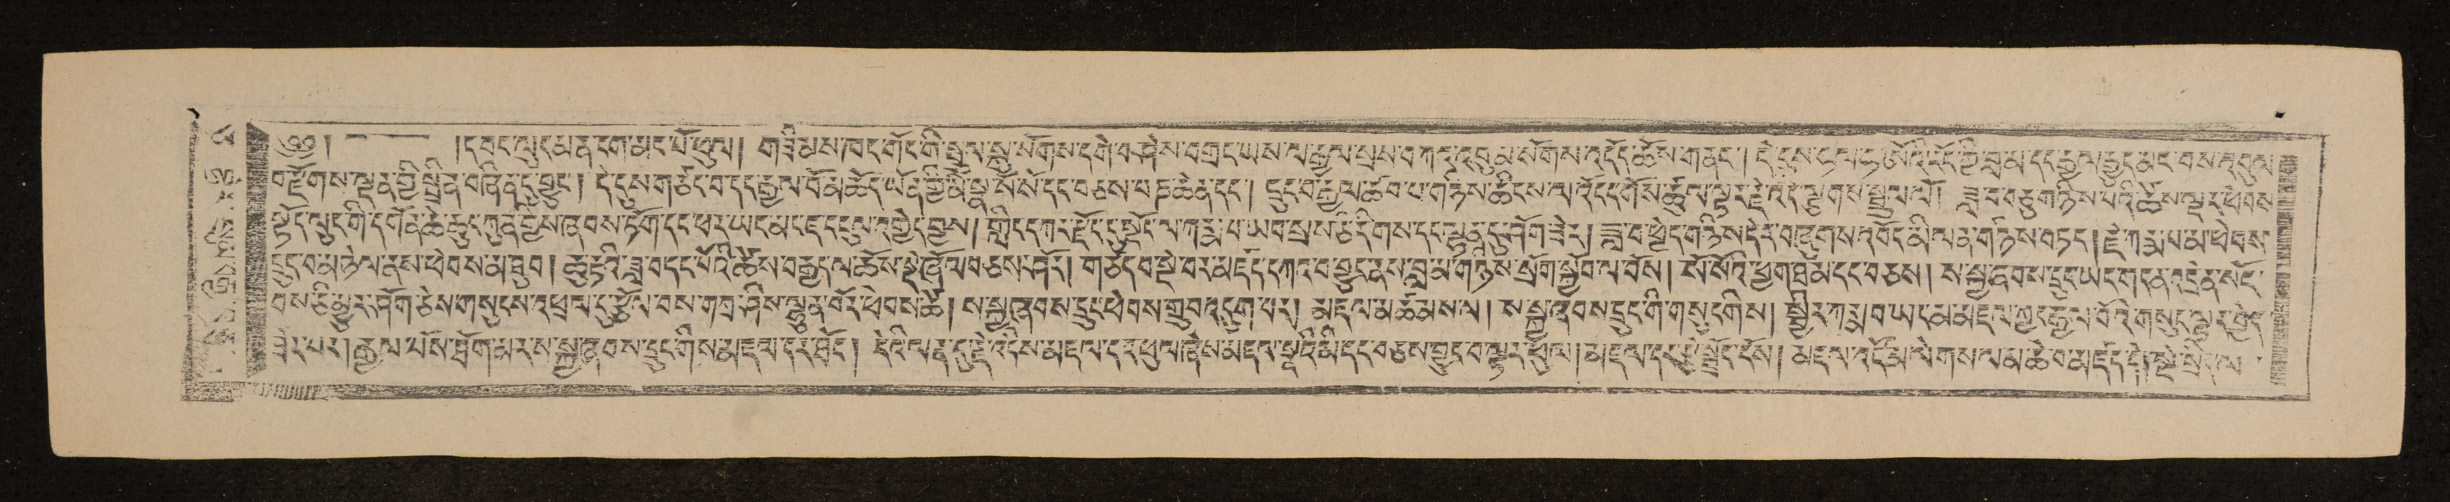༄༅། །དབང་ལུང་མན་ངག་མང་པོ་ཕུལ། གཟིམས་ཁང་གོང་གི་སྤྲུལ་སྐུ་སོགས་དགེ་བཤེས་བགྲང་ཡས་ལ་རྒྱལ་སྲས་བཀའ་འབུམ་སོགས་འདོད་ཆོས་གནང་། དེ་དུས་ཧལ་ཧ་ཨོའི་རོད་ཀྱི་བླ་མ་དང་རྒྱལ་རྒྱུད་མང་བས་འབུལ་
བ་རྫོགས་ལྡན་གྱི་སྤྲིན་བཞིན་དུ་བྱུང་། དེ་དུས་གཙང་བ་དང་རྒྱལ་པོ་མཆོད་ཡོན་གྱི་མི་སྣ་སོ་སོ་དང་བཅས་པཎ་ཆེན་དང་། དྲུང་བ་རྒྱལ་ཚབ་པ་གཉིས་ཆིངས་ལ་འོད་དགོས་ཚུལ་ལྟར་རྗེ་འདི་ལྕགས་སྦྲུལ་ལོ། ཟླ་བ་བཅུ་གཉིས་པའི་ཚེས་ལྔར་ཕེབས་
སྟོད་ལུང་གི་དགོན་ཆེ་ཆུང་ཀུན་གྱིས་ཞབས་ཏོག་དང་ཕར་ཡང་མང་ཇ་དངུལ་འགྱེད་བྱས། གླིང་དཀར་རྫོང་དུ་སྡོད་ལ་ཀརྨ་པ་ཡབ་སྲས་ཅི་རིགས་དང་ལྷན་དུ་ཤོག་ཟེར། ཟླ་བ་ཕྱེད་གཉིས་དེར་བཞུགས་འབོད་མི་ལན་གཉིས་བཏང་། རྗེ་ཀརྨ་པ་མ་ཕེབས།
དྲུང་བ་མཉེལ་ནས་ཕེབས་མ་ཐུབ། ཆུ་རྟའི་ཟླ་བ་དང་པོའི་ཚེས་བརྒྱད་ལ་ཆོས་སྡེ་ཞོལ་བཅས་ཤོར། གཙང་བ་སྡེ་པར་མཛད་དཀའ་བ་བྱུང་ནས་བླ་མ་གཉིས་སྲོག་སྐྱོབ་ལ་བོས། སོ་སོའི་ཕྱག་ཐམ་དང་བཅས། ས་སྐྱ་ཞབས་དྲུང་ཡང་གདན་འདྲེན་སོང་
བས་ཅི་མྱུར་ཤོག་ཅེས་གསུངས་འཕྲལ་དུ་རྩོལ་བས་བཀྲ་ཤིས་ལྷུན་པོར་ཕེབས་ཚེ། ས་སྐྱ་ཞབས་དྲུང་ཕེབས་གྲུབ་འདུག་པར། མཇལ་མཚམས་ལ། ས་སྐྱ་ཞབས་དྲུང་གི་གསུང་གིས། སྤྱིར་ཀརྨ་པ་ཡང་མ་མཇལ་ཀྱང་རྒྱལ་པོའི་གསུང་ལྟར་བྱེད་
ཟེར་པར། རྒྱལ་པོས་ཐོག་མར་ས་སྐྱ་ཞབས་དྲུང་གིས་མཇལ་དར་ཐོང་། དེའི་ལན་དུ་རྗེ་འདིས་མཇལ་དར་ཕུལ་ཞེས་མཇལ་སྣའི་མི་དང་བཅས་བྱུང་བ་ལྟར་ཕུལ། མཇལ་དར་རྩེ་སྤྲོད་ངོས། མཇལ་འཛོམ་ལེགས་ལམ་ཆེ་བ་མཛད་དེ། སྡེ་སྲིད་ལ་